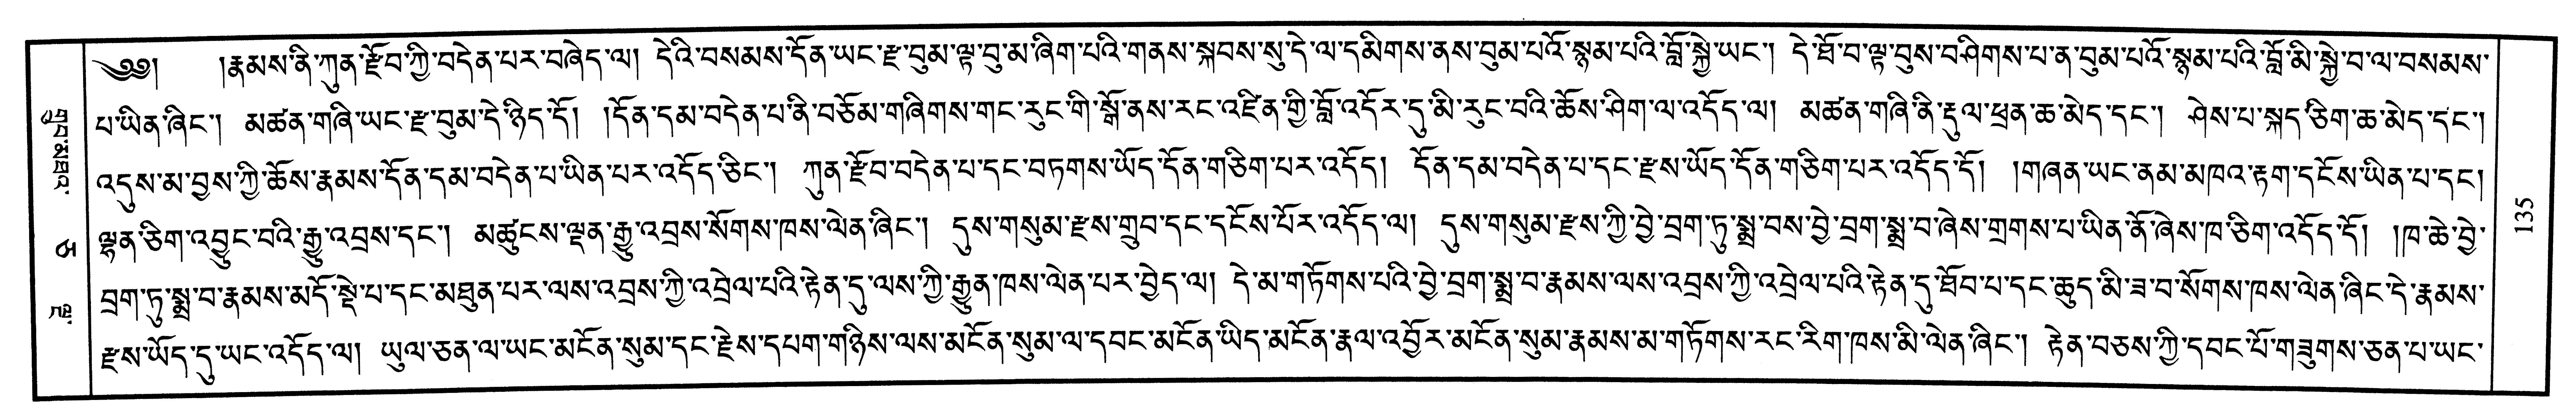༄༅། །རྣམས་ནི་ཀུན་རྫོབ་ཀྱི་བདེན་པར་བཞེད་ལ། དེའི་བསམས་དོན་ཡང་རྫ་བུམ་ལྟ་བུ་མ་ཞིག་པའི་གནས་སྐབས་སུ་དེ་ལ་དམིགས་ནས་བུམ་པའོ་སྙམ་པའི་བློ་སྐྱེ་ཡང་། དེ་ཐོ་བ་ལྟ་བུས་བཤིགས་པ་ན་བུམ་པའོ་སྙམ་པའི་བློ་མི་སྐྱེ་བ་ལ་བསམས་
པ་ཡིན་ཞིང་། མཚན་གཞི་ཡང་རྫ་བུམ་དེ་ཉིད་དོ། །དོན་དམ་བདེན་པ་ནི་བཅོམ་གཞིགས་གང་རུང་གི་སྒོ་ནས་རང་འཛིན་གྱི་བློ་འདོར་དུ་མི་རུང་བའི་ཆོས་ཤིག་ལ་འདོད་ལ། མཚན་གཞི་ནི་རྡུལ་ཕྲན་ཆ་མེད་དང་། ཤེས་པ་སྐད་ཅིག་ཆ་མེད་དང་།
འདུས་མ་བྱས་ཀྱི་ཆོས་རྣམས་དོན་དམ་བདེན་པ་ཡིན་པར་འདོད་ཅིང་། ཀུན་རྫོབ་བདེན་པ་དང་བཏགས་ཡོད་དོན་གཅིག་པར་འདོད། དོན་དམ་བདེན་པ་དང་རྫས་ཡོད་དོན་གཅིག་པར་འདོད་དོ། །གཞན་ཡང་ནམ་མཁའ་རྟག་དངོས་ཡིན་པ་དང་།
ལྷན་ཅིག་འབྱུང་བའི་རྒྱུ་འབྲས་དང་། མཚུངས་ལྡན་རྒྱུ་འབྲས་སོགས་ཁས་ལེན་ཞིང་། དུས་གསུམ་རྫས་གྲུབ་དང་དངོས་པོར་འདོད་ལ། དུས་གསུམ་རྫས་ཀྱི་བྱེ་བྲག་ཏུ་སྨྲ་བས་བྱེ་བྲག་སྨྲ་བ་ཞེས་གྲགས་པ་ཡིན་ནོ་ཞེས་ཁ་ཅིག་འདོད་དོ། །ཁ་ཆེ་བྱེ་
བྲག་ཏུ་སྨྲ་བ་རྣམས་མདོ་སྡེ་པ་དང་མཐུན་པར་ལས་འབྲས་ཀྱི་འབྲེལ་པའི་རྟེན་དུ་ལས་ཀྱི་རྒྱུན་ཁས་ལེན་པར་བྱེད་ལ། དེ་མ་གཏོགས་པའི་བྱེ་བྲག་སྨྲ་བ་རྣམས་ལས་འབྲས་ཀྱི་འབྲེལ་པའི་རྟེན་དུ་ཐོབ་པ་དང་ཆུད་མི་ཟ་བ་སོགས་ཁས་ལེན་ཞིང་དེ་རྣམས་
རྫས་ཡོད་དུ་ཡང་འདོད་ལ། ཡུལ་ཅན་ལ་ཡང་མངོན་སུམ་དང་རྗེས་དཔག་གཉིས་ལས་མངོན་སུམ་ལ་དབང་མངོན་ཡིད་མངོན་རྣལ་འབྱོར་མངོན་སུམ་རྣམས་མ་གཏོགས་རང་རིག་ཁས་མི་ལེན་ཞིང་། རྟེན་བཅས་ཀྱི་དབང་པོ་གཟུགས་ཅན་པ་ཡང་